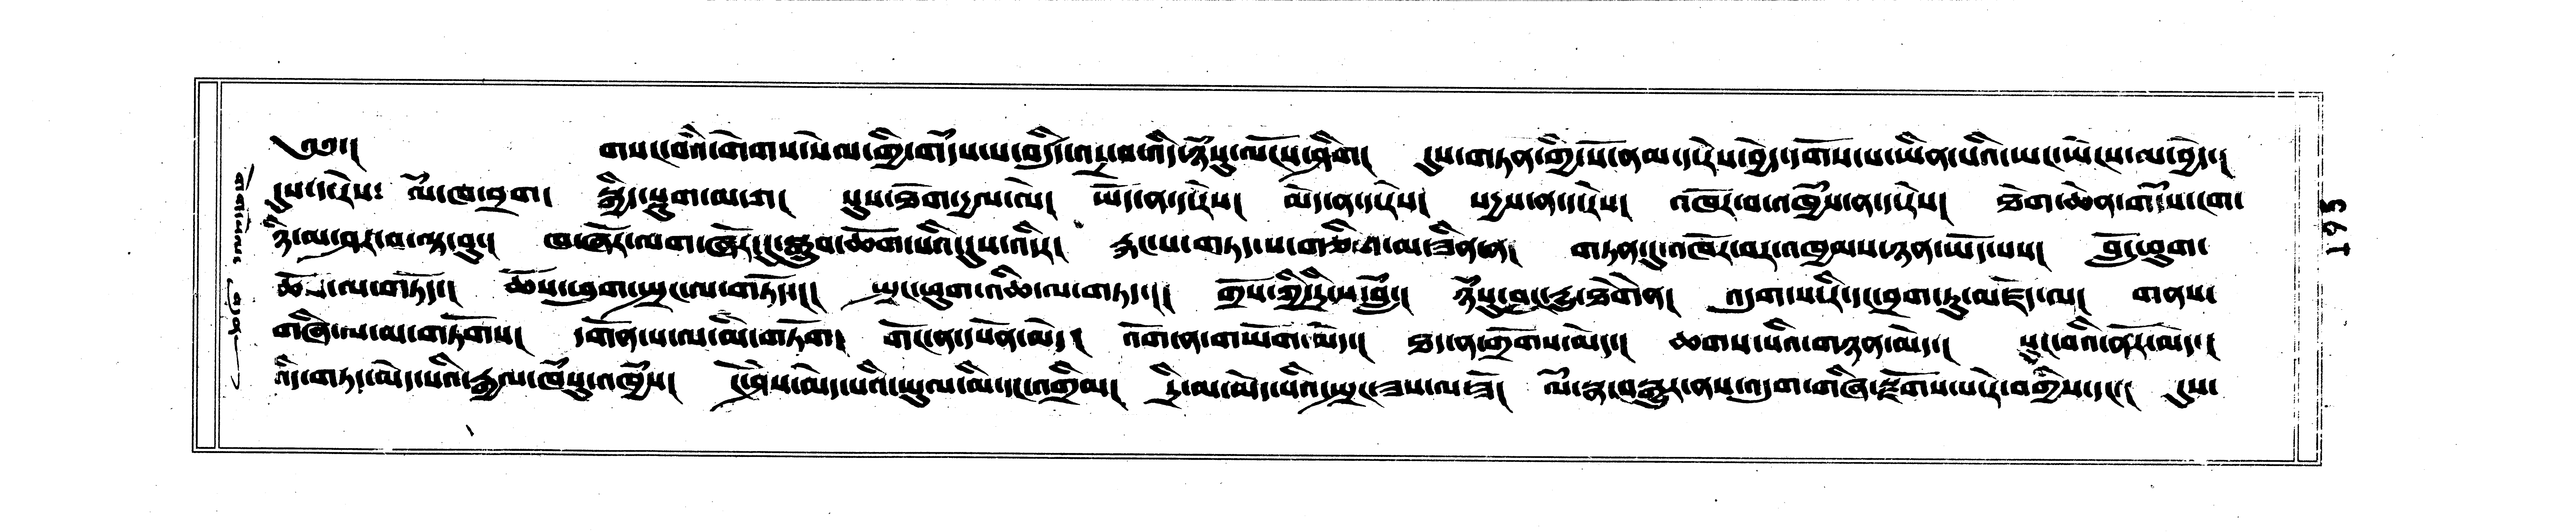གསང་བའི་གེག་སེལ་གྱི་གདམས་པ་བདུད་རྩི་འདྲ་བ་འདི་ཉམས་སུ་ལོངས་ཤིག །དུས་གཏན་གྱི་སོ་ནམ་ད་རེས་བྱེད་དགོས་པ་ཡིན་པས་ཡང་ཡེངས་མ་བྱེད། 
དུས་ད་རེས། ལམ་ཁ་བྲག སྐྱིད་སྡུག་འདམ་ཀ སུས་ཐོག་རྒྱལ་ལེ། ཡོད་ན་ད་རེས། མེད་ན་ད་རེས། སངས་རྒྱས་ན་ད་རེས། འཁོར་བ་འཁྱམས་ན་ད་རེས། ཐེག་ཆེན་གདམས་ངག་
ཉི་མ་ཤར་བ་ལྟ་བུ། ཁ་ཞོར་ལག་ཞོར་དུ་བསྒྲུབ་ཆོག་པའི་དུས་འདིར། རྐང་པ་གཏད་ས་གཅིག་མ་ཟིན་ན། གཏན་དུ་འཁོར་བར་འཁྱམས་ཉེན་ཡོད་པས། བློ་ཕུག་
ཆོས་ལ་གཏོད། ཆོས་ཕུག་སྤྲང་ལ་གཏོད། སྤྲང་ཕུག་འཆི་ལ་གཏད། གྲོས་ཀྱི་དྲི་ས་བླ་མ། ཉམས་སུ་བླང་རྒྱུ་ཐེག་ཆེན། འདུག་ས་རི་དང་བྲག་ཏུ་མཛོད་ལ། གནས་
གཞི་ལ་མ་གཏོགས། དགོན་པ་ལ་མ་གཏོགས། གོང་ན་དཔོན་མེད། འོག་ན་གཡོག་མེད། ཐད་ན་གྲོགས་མེད། ཆགས་སའི་གཉེན་མེད། སྲུང་བའི་ནོར་མེད། 
འདི་གཏད་མེད་པའི་རྒྱལ་ཁམས་སུ་འཁྱམས། ངོ་ཤེས་མེད་པའི་ཡུལ་མི་དང་འགྲིམས། དྲི་མ་མེད་པའི་སྤྲང་ཟས་ལ་ཟོ། ལམ་སྣ་བསྒྱུར་ནས་འདུག་གཞི་རྫོགས་པ་རེ་བགྱིས་དང་། དུས་